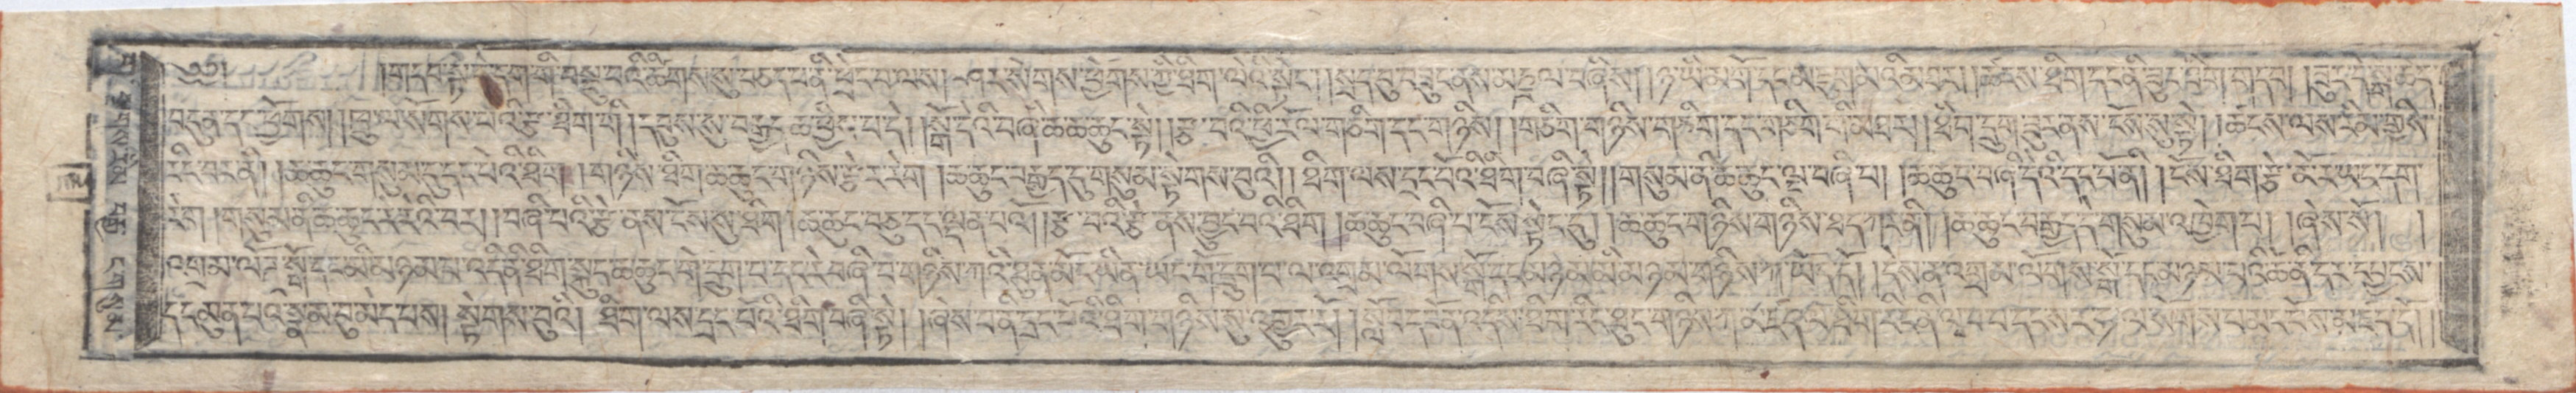༄༅། །གདབ་སྟེ་དེ་དག་གི་བསྡུ་བའི་ཚིགས་སུ་བཅད་པ་ནི་ཕྲེང་བ་ལས། ཤར་སོགས་ཕྱོགས་ཀྱི་ཐིག་ལེའི་སྟེང་། །སྲད་བུ་བཟུང་ནས་མཎྜལ་བཞིས། །ཉ་ཡི་མགོ་དང་མཇུག་མའི་མཐར། །ཚངས་ཐིག་དང་ནི་ཟུར་ཐིག་གདབ། །ཟུར་དེ་སྒོ་ཚད་
བདུན་དང་ཕྱོགས། །ཁྲུ་ལ་སོགས་པའི་རྩ་ཐིག་གི །དབུས་སུ་བརྒྱད་ཆ་ཕྱིས་པ་དེ། །སྒོ་དེའི་བཞི་ཆ་ཆ་ཆུང་སྟེ། །རྩ་བའི་ཕྱི་རོལ་གཅིག་དང་གཉིས། །གཅིག་གཉིས་གཅིག་དང་གཅིག་གི་མཐར། །ཐིག་དྲུག་ཟུར་ནས་ངོས་སུ་སྟེ། །ཚངས་ལས་རིམ་གྱིས་
རིང་བར་ནི། །ཆ་ཆུང་གསུམ་དུ་དང་པོའི་ཐིག །གཉིས་ཐིག་ཆ་ཆུང་གཉིས་རྩེར་རེག །ཆ་ཆུང་བརྒྱད་དུ་གསུམ་སྟེགས་བུའི། །ཐིག་ལས་དྲང་པོའི་ཐིག་བཞི་སྟེ། །གསུམ་ནི་ཆ་ཆུང་ལྔ་བཞི་པ། །ཆ་ཆུང་བཞི་དེའི་དང་པོ་ནི། །ངོས་ཐིག་རྩེ་མོར་ཡང་དག་
རེག །གསུམ་ནི་ཆ་ཆུང་རེ་རེའི་བར། །བཞི་པའི་རྩེ་ནས་ངོས་སུ་ཐིག །ཆ་ཆུང་བཅུ་དང་ལྡན་པའོ། །རྩ་བའི་རྩེ་ནས་བྱུང་བའི་ཐིག །ཆ་ཆུང་བཞི་པ་ངོས་སྟེང་དུ། །ཆ་ཆུང་གཉིས་གཉིས་ཐད་ཀར་ནི། །ཆ་ཆུང་བརྒྱད་དེ་གསུམ་འཁྱོག་པ། །ཞེས་སོ། །
འགྲམ་ལོགས་སྒོ་དང་མི་མཉམ་པ་འདི་ནི་ཐིག་སྐུད་ཆ་ཆུང་གོ་དྲུག་པ་དང་རེ་བཞི་པ་གཉིས་ཀའི་ཐུན་མོང་ཡིན་ཡང་གོ་དྲུག་པ་ལ་འགྲམ་ལོགས་སྒོ་དང་མཉམ་མི་མཉམ་གཉིས་ཀ་ཡོད་དོ། །དེས་ན་འགྲམ་ལོགས་སྒོ་དང་མཉམ་པའི་ཚེ་ནི་དར་དཔྱངས་
དང་མུན་པའི་སྣམ་བུ་མེད་པས། སྟེགས་བུའི། ཐིག་ལས་དྲང་པོའི་ཐིག་བཞི་སྟེ། །ཞེས་པ་ནི་དྲང་པོའི་ཐིག་གཉིས་སུ་འགྱུར་རོ། །སློབ་དཔོན་འདིས་ཐིག་རིང་ཐུང་གཉིས་ཀ་མཛད་ལ་ཐིག་རིང་ནི་ལྭ་བ་པ་དང་ས་ར་ཧ་ལ་སོགས་པ་མང་པོས་མཛད་དོ།།